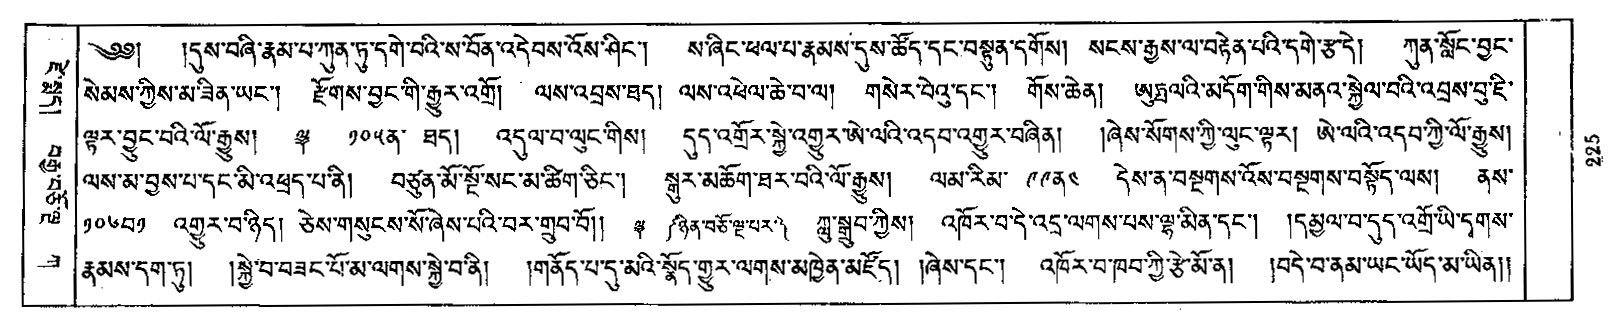༄༅། །དུས་བཞི་རྣམ་པ་ཀུན་ཏུ་དགེ་བའི་ས་བོན་འདེབས་འོས་ཤིང་། ས་ཞིང་ཕལ་པ་རྣམས་དུས་ཚོད་དང་བསྟུན་དགོས། སངས་རྒྱས་ལ་བརྟེན་པའི་དགེ་རྩ་དེ། ཀུན་སློང་བྱང་
སེམས་ཀྱིས་མ་ཟིན་ཡང་། རྫོགས་བྱང་གི་རྒྱུར་འགྲོ། ལས་འབྲས་ཐད། ལས་འཕེལ་ཆེ་བ་ལ། གསེར་བེའུ་དང་། གོས་ཆེན། ཨུཏྤལའི་མདོག་གིས་མནའ་སྐྱེལ་བའི་འབྲས་བུ་ཇི་
ལྟར་བྱུང་བའི་ལོ་རྒྱུས། ༈ ༡༠༥་ན་ཐད། འདུལ་བ་ལུང་གིས། དུད་འགྲོར་སྐྱེ་འགྱུར་ཨེ་ལའི་འདབ་འགྱུར་བཞིན། །ཞེས་སོགས་ཀྱི་ལུང་ལྟར། ཨེ་ལའི་འདབ་ཀྱི་ལོ་རྒྱུས།
ལས་མ་བྱས་པ་དང་མི་འཕྲད་པ་ནི། བཙུན་མོ་སྔོ་སང་མ་ཚིག་ཅིང་། སྒུར་མཆོག་ཐར་བའི་ལོ་རྒྱུས། ལམ་རིམ ༩༩་ན ༤་དེས་ན་བསྔགས་འོས་བསྔགས་བསྟོད་ལས། ནས་
༡༠༦་བ ༡་འགྱུར་བ་ཉིད། ཅེས་གསུངས་སོ་ཞེས་པའི་བར་གྲུབ་བོ།། ༈ ཉིན་བཅོ་ལྔ་པར྄་ཀླུ་སྒྲུབ་ཀྱིས། འཁོར་བ་དེ་འདྲ་ལགས་པས་ལྷ་མིན་དང་། །དམྱལ་བ་དུད་འགྲོ་ཡི་དྭགས་
རྣམས་དག་ཏུ། །སྐྱེ་བ་བཟང་པོ་མ་ལགས་སྐྱེ་བ་ནི། །གནོད་པ་དུ་མའི་སྣོད་གྱུར་ལགས་མཁྱེན་མཛོད། །ཞེས་དང་། འཁོར་བ་ཁབ་ཀྱི་རྩེ་མོ་ན། །བདེ་བ་ནམ་ཡང་ཡོད་མ་ཡིན།།